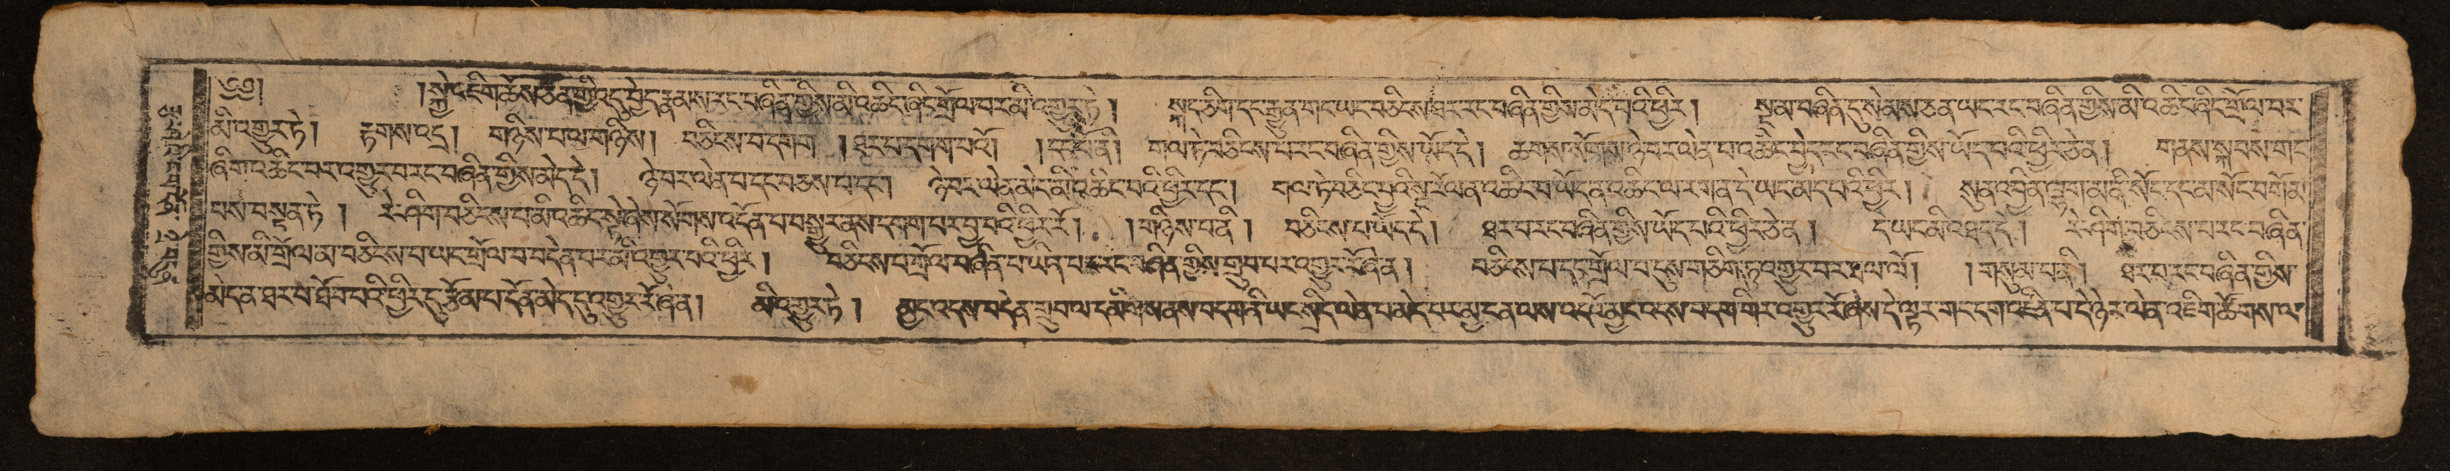༄༅། །སྐྱེ་འཇིག་ཆོས་ཅན་གྱི་འདུ་བྱེད་རྣམས་རང་བཞིན་གྱིས་མི་འཆིང་ཞིང་གྲོལ་བར་མི་འགྱུར་ཏེ། སྐད་ཅིག་དང་རྒྱུན་གང་ཡང་བཅིངས་ཐར་རང་བཞིན་གྱིས་མེད་པའི་ཕྱིར། སྔ་མ་བཞིན་དུ་སེམས་ཅན་ཡང་རང་བཞིན་གྱིས་མི་འཆིང་ཞིང་གྲོལ་བར་
མི་འགྱུར་ཏེ། རྟགས་འདྲ། གཉིས་པ་ལ་གཉིས། བཅིངས་པ་དགག །ཐར་པ་དགག་པའོ། །དང་པོ་ནི། གལ་ཏེ་བཅིངས་པ་རང་བཞིན་གྱིས་ཡོད་དེ། ཆགས་སོགས་ཉེ་བར་ལེན་པ་འཆིང་བྱེད་རང་བཞིན་གྱིས་ཡོད་པའི་ཕྱིར་ཅེ་ན། གནས་སྐབས་གང་
ཞིག་འཆིང་བར་འགྱུར་བ་རང་བཞིན་གྱིས་མེད་དེ། ཉེ་བར་ལེན་པ་དང་བཅས་པ་དང་། ཉེ་བར་ལེན་མེད་མི་འཆིང་བའི་ཕྱིར་དང་། གལ་ཏེ་བཅིང་བྱའི་སྔ་རོལ་ན་འཆིང་བ་ཡོད་ན་འཆིང་ལ་རག་ན་དེ་ཡང་མེད་པའི་ཕྱིར། སུན་འབྱིན་ལྷག་མ་ནི་སོང་དང་མ་སོང་བགོམ་
བས་བསྟན་ཏེ། རེ་ཤིག་བཅིངས་པ་མི་འཆིང་སྟེ་ཞེས་སོགས་འདོན་པ་བསྒྱུར་ནས་དགག་པར་བྱ་བའི་ཕྱིར་རོ། །གཉིས་པ་ནི། བཅིངས་པ་ཡོད་དེ། ཐར་པ་རང་བཞིན་གྱིས་ཡོད་པའི་ཕྱིར་ཅེ་ན། དེ་ཡང་མི་འཐད་དེ། རེ་ཤིག་བཅིངས་པ་རང་བཞིན་
གྱིས་མི་གྲོལ་མ་བཅིངས་པ་ཡང་གྲོལ་བ་བདེན་པར་མི་འགྱུར་བའི་ཕྱིར། བཅིངས་བ་གྲོལ་བཞིན་པ་ཡིན་པར་རང་བཞིན་གྱིས་གྲུབ་པར་འགྱུར་རོ་ཞེ་ན། བཅིངས་པ་དང་གྲོལ་བ་དུས་གཅིག་ཏུ་འགྱུར་བར་ཐལ་ལོ། །གསུམ་པ་ནི། ཐར་པ་རང་བཞིན་གྱིས་
མེད་ན་ཐར་པ་ཐོབ་པའི་ཕྱིར་དུ་རྩོམ་པ་དོན་མེད་དུ་འགྱུར་རོ་ཞེ་ན། མི་འགྱུར་ཏེ། མྱང་འདས་བདེན་གྲུབ་ལ་དམིགས་ནས་བདག་ནི་ཡང་སྲིད་ལེན་པ་མེད་པར་མྱ་ངན་ལས་འདའོ་མྱང་འདས་བདག་གིར་འགྱུར་རོ་ཞེས་དེ་ལྟར་གང་དག་འཛིན་པ་དེ་ཉེར་ལེན་འཇིག་ཚོགས་ལ་